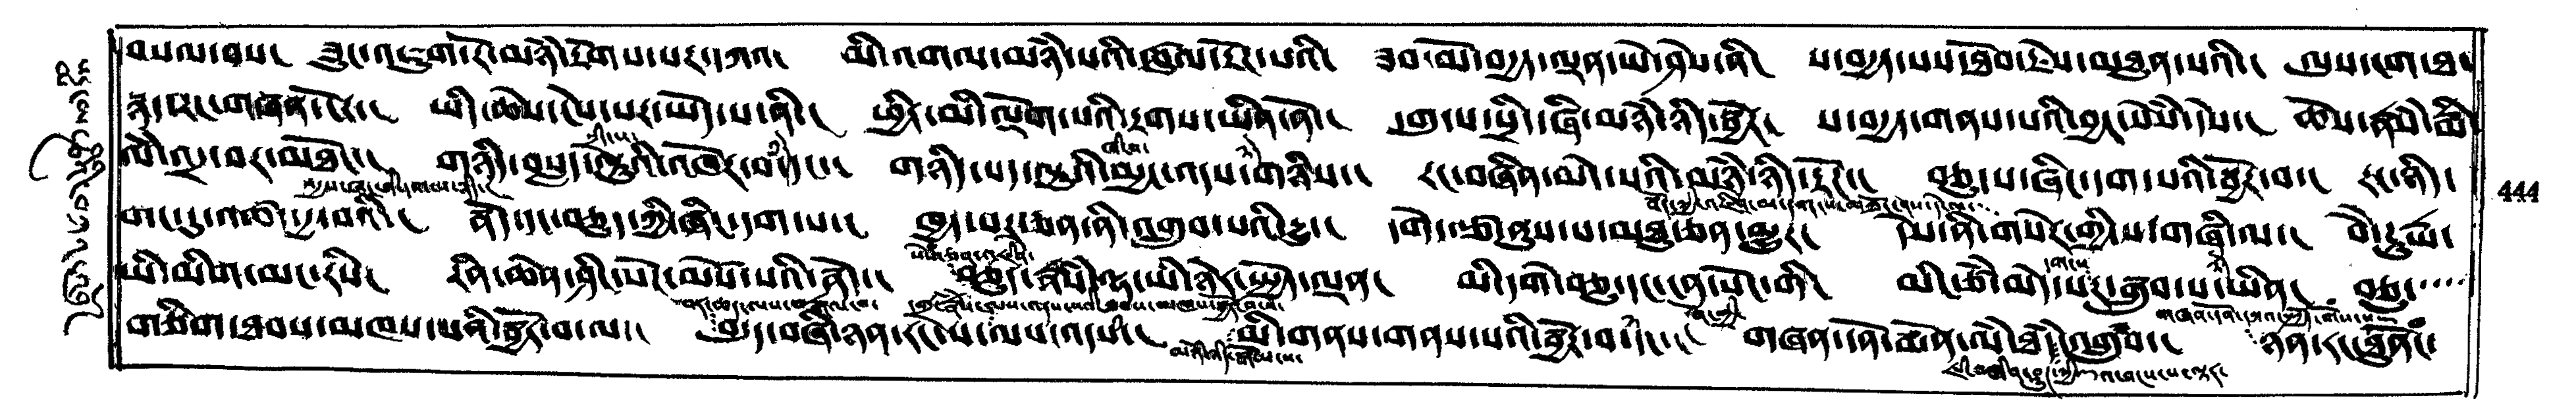བསལ་བས། །ཟུང་འཇུག་རོ་མཉམ་རྟོགས་པར་དཀའ། །མི་འགལ་མཉམ་པའི་ཚུལ་རྟོགས་པའི། །ཟབ་མོ་བརྒྱད་ལྡན་ཡེ་ཤེས་ནི། །ས་བརྒྱད་པས་ཐོབ་རྗེས་མཐུན་པའི། །ལུས་ངག་ཐ་
སྙད་རང་གཞན་ངོར། །ཡིད་ཆེས་ངེས་པར་ཡོད་པ་ནི། །ཕྱིར་མི་ལྡོག་པའི་རྟགས་ཡིན་ནོ། །དགུ་པ་སྲིད་ཞི་མཉམ་ཉིད་སྦྱོར། །ས་བརྒྱད་གནས་པའི་བྱང་སེམས་དེས། །ཆོས་རྣམས་རྨི་
ལམ་འདྲ་བར་མཐོང་། །གཉིད་བསླད་སྲིད་པ་ལྟ་བུའི་འཁོར་བ་དང་། །གཉིད་སད་ལྟ་བུའི་ཞི་བ་མྱང་འདས་གཉིས། །རང་བཞིན་མེད་པ་མཉམ་ཉིད་རྟོགས། །བཅུ་པ་ཞིང་དག་པའི་སྦྱོར་བ། །རང་ཉིད་
གང་དུ་འཚང་རྒྱ་བའི།། སངས་རྒྱས་ཞིང་ནི་དག་པ་ཉིད་སྣོད་དང་བཅུད་ཀྱི་ཞིང་དག་པ། ཁྱད་པར་ཅན་ནི་འགྲུབ་པའི་རྒྱུ། །དགེ་རྩ་ནུས་པ་མཐུ་ཅན་མྱུར། །དེས་ནི་སྣོད་ཀྱི་འཇིག་རྟེན་མ་དག་པ་མཐོང་ནས་དེ་ལ། གསེར་གྱི་ས་གཞི་ལ། །བཻཌཱུརྻ་
ཡི་མིག་མང་རིས། །རིན་ཆེན་ཤིང་སོགས་མཛེས་པའི་སྣོད། སེམས་ཅན་འཇིག་རྟེན་བཅུད་རྣམས་ལྷ་ཡི་ཉེར་སྤྱོད་ལྡན། །མི་དགེ་བཅུ་དང་ངན་སོང་གི། །མིང་ཙམ་མེད་པར་དག་པ་སྒྲུབ་པ་ཡིན། །བཅུ་
གཅིག་ཐབས་མཁས་སྦྱོར་བ་ལ། བར་ཆད་ལས་བརྒལ་བ་བདུད་བཞི་ཉན་རང་ས་དགྲ་རྣམས་ལས་འདས་པའི་ཐབས་མཁས་སྦྱོར་བ་སོ་ལས་འདས།། མཉམ་ཉིད་སྒོམ་པ་མི་གནས་གནས་པའི་སྦྱོར་བ་དང་། །གཞན་དོན་སྨོན་ལམ་ཐམས་ཅད་ཇི་བཞིན་ཤུགས་ཀྱིས་འཕངས་པ་ལྟར་འགྲུབ།། གཞན་དོན་དཀའ་སྤྱོད་གོམས་པས་ཉན་རང་ཐུན་མོང་